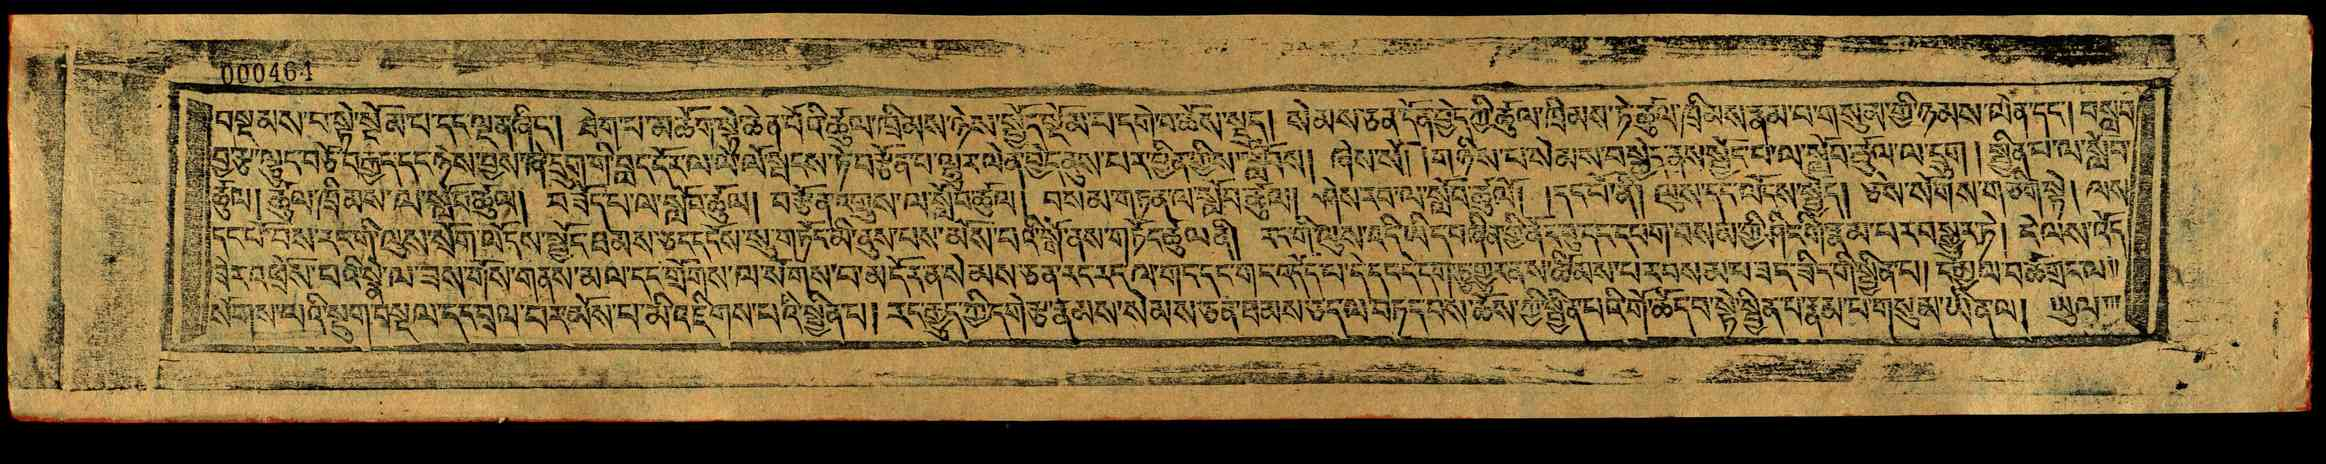བསྡམས་པ་སྟེ་སྡོམ་པ་དང་ལྡན་ཞིང་། ཐེག་པ་མཆོག་སྟེ་ཆེན་པོའི་ཚུལ་ཁྲིམས་ཉེས་སྤྱོད་སྡོམ་པ་དགེ་བ་ཆོས་སྡུད། སེམས་ཅན་དོན་བྱེད་ཀྱི་ཚུལ་ཁྲིམས་ཏེ་ཚུལ་ཁྲིམས་རྣམ་པ་གསུམ་གྱི་ཉམས་ལེན་དང་། བསླབ་
བྱ་རྩ་ལྟུང་བཅོ་བརྒྱད་དང་ཉེས་བྱས་ཞེ་དྲུག་གི་བླང་དོར་ལ་ལེ་ལོ་སྤངས་ཏེ་བརྩོན་པ་ལྷུར་ལེན་བྱེད་ནུས་པར་བྱིན་གྱིས་རློབས། ཞེས་སོ། །གཉིས་པ་སེམས་བསྐྱེད་ནས་སྤྱོད་པ་ལ་སློབ་ཚུལ་ལ་དྲུག །སྦྱིན་པ་ལ་སློབ་
ཚུལ༑ ཚུལ་ཁྲིམས་ལ་སློབ་ཚུལ། བཟོད་པ་ལ་སློབ་ཚུལ། བརྩོན་འགྲུས་ལ་སློབ་ཚུལ། བསམ་གཏན་ལ་སློབ་ཚུལ། ཤེས་རབ་ལ་སློབ་ཚུལ། །དང་པོ་ནི། ལུས་དང་ལོངས་སྤྱོད། ཅེས་སོགས་གཅིག་སྟེ། ལས་
དང་པོ་བས་རང་གི་ལུས་སྲོག་ལོངས་སྤྱོད་ཐམས་ཅད་དངོས་སུ་གཏོང་མི་ནུས་པས་མོས་པའི་སྒོ་ནས་གཏོང་ཚུལ་ནི། རང་གི་ལུས་འདི་ཡིད་བཞིན་གྱི་ནོར་བུ་དང་དཔག་བསམ་གྱི་ཤིང་གི་རྣམ་པར་བསྒྱུར་ཏེ། དེ་ལས་འོད་
ཟེར་འཕྲོས་པའི་སྣེ་ལ་ཟས་གོས་གནས་མལ་དང་གྲོགས་ལ་སོགས་པ་མདོར་ན་སེམས་ཅན་རང་རང་ལ་གང་དང་གང་འདོད་པ་དེ་དང་དེ་དག་ཏུ་གྱུར་ནས་ཚིམས་པར་བསམ་པ་ཟང་ཟིང་གི་སྦྱིན་པ། དམྱལ་བ་ཚ་གྲང་ལ་
སོགས་པའི་སྡུག་བསྔལ་དང་བྲལ་བར་མོས་པ་མི་འཇིགས་པའི་སྦྱིན་པ། རང་རྒྱུད་ཀྱི་དགེ་རྩ་རྣམས་སེམས་ཅན་ཐམས་ཅད་ལ་བཏང་བས་ཆོས་ཀྱི་སྦྱིན་པའི་གོ་ཆོད་པ་སྟེ་སྦྱིན་པ་རྣམ་པ་གསུམ་ཡིན་ལ། ཡུལ་